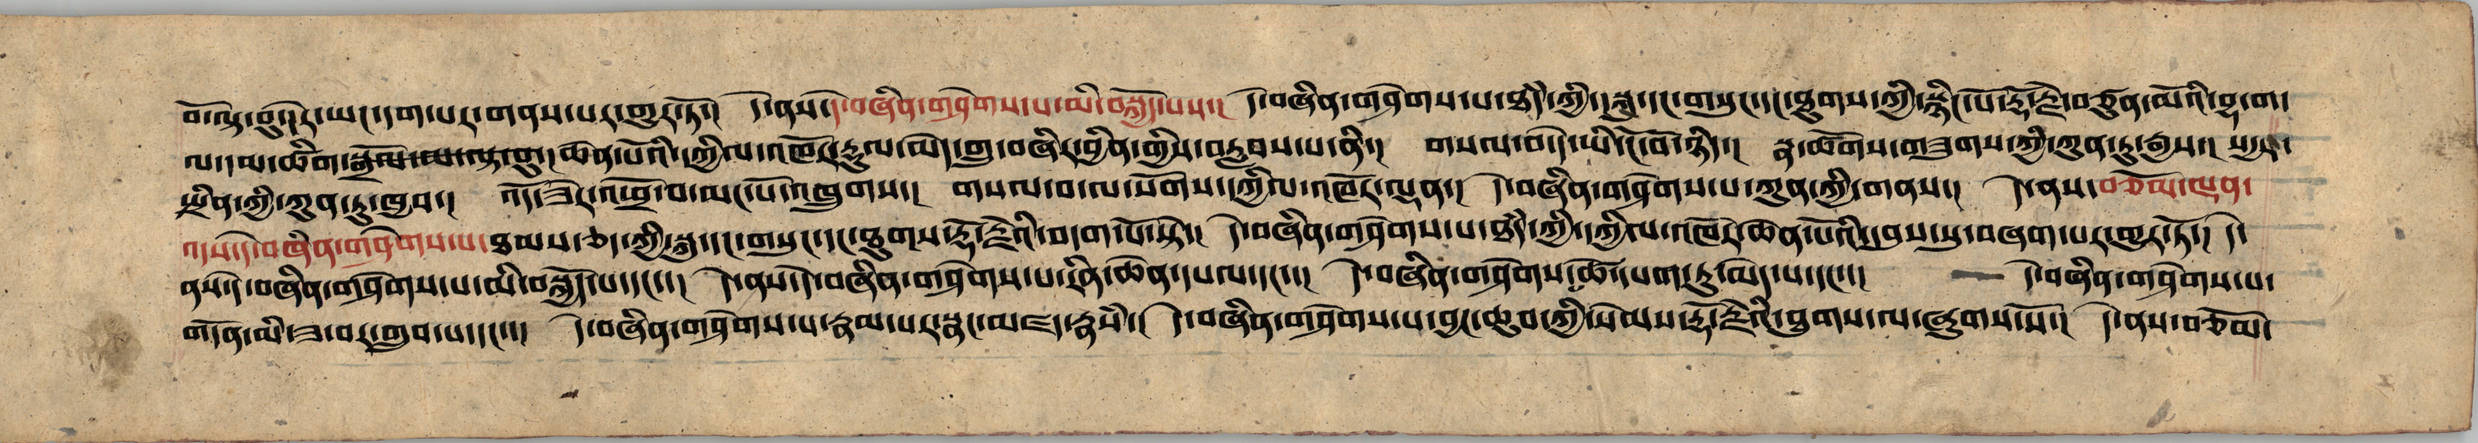བོ་ལྟ་བུ་དེར་ཡང་དག་པར་གནས་པར་གྱུར་ཏོ་། དེ་ནས་དེ་བཞིན་གཤེགས་པ་མི་བསྐྱོད་པས་། དེ་བཞིན་གཤེགས་པ་ཐཾད་ཀྱི་སྐུ་དང་གསུང་དང་ཐུགས་ཀྱི་སྙིང་པོ་རྡོ་རྗེ་བཙུན་མོའི་བྷ་ག་
ལ་དམ་ཚིག་སྒྲོལ་མ་ལྟ་བུ་།ཆེན་པོའི་དཀྱིལ་འཁོར་རྡུལ་མེད་གྲུ་བཞིར་བྱིན་གྱིས་བརླབས་པ་ནི་། གསལ་བ་དེ་ཡི་ངོ་བོ་ཉིད་། སྣ་ཚོགས་གཟུགས་ཀྱི་ཀུན་ཏུ་རྒྱས་། སདྱས་
སྤྲིན་ཀྱི་ཀུན་ཏུ་ཁྱབ་། འོད་ཟེར་འཕྲོ་བ་མང་པོ་འཁྲུགས་། གསལ་བ་ལ་སོགས་དཀྱིལ་འཁོར་ལྡན་། དེ་བཞིན་གཤེགས་པ་ཀུན་གྱི་གནས་། དེ་ནས་བཅོམ་ལྡན་
འདས་དེ་བཞིན་གཤེགས་པ་ཐམས་ཅད་ཀྱི་སྐུ་དང་གསུང་དང་ཐུགས་རྡོ་རྗེའི་བདག་པོ་སྟེ་། དེ་བཞིན་གཤེགས་པ་ཐཾད་ཀྱི་དཀྱིལ་འཁོར་ཆེན་པོའི་དབུས་སུ་བཞག་པར་གྱུར་ཏོ་། དེ་
ནས་དེ་བཞིན་གཤེགས་པ་མི་བསྐྱོད་པ་དང་་། དེ་ནས་དེ་བཞིན་གཤེགས་པ་རིན་ཆེན་དཔལ་དང་་། དེ་བཞིན་གཤེགས་ཚེ་དཔག་མེད་དང་་། དེ་བཞིན་གཤེགས་པ་
གདོན་མིཟ་བར་གྲུབ་པ་དང་་། དེ་བཞིན་གཤེགས་པ་རྣམ་པར་སྣང་མཛད་རྣཾས་། དེ་བཞིན་གཤེགས་པ་བྱང་ཆུབ་ཀྱི་སེམས་རྡོ་རྗེའི་ཐུགས་ལ་ཞུགས་སོ་། དེ་ནས་བཅོམ་